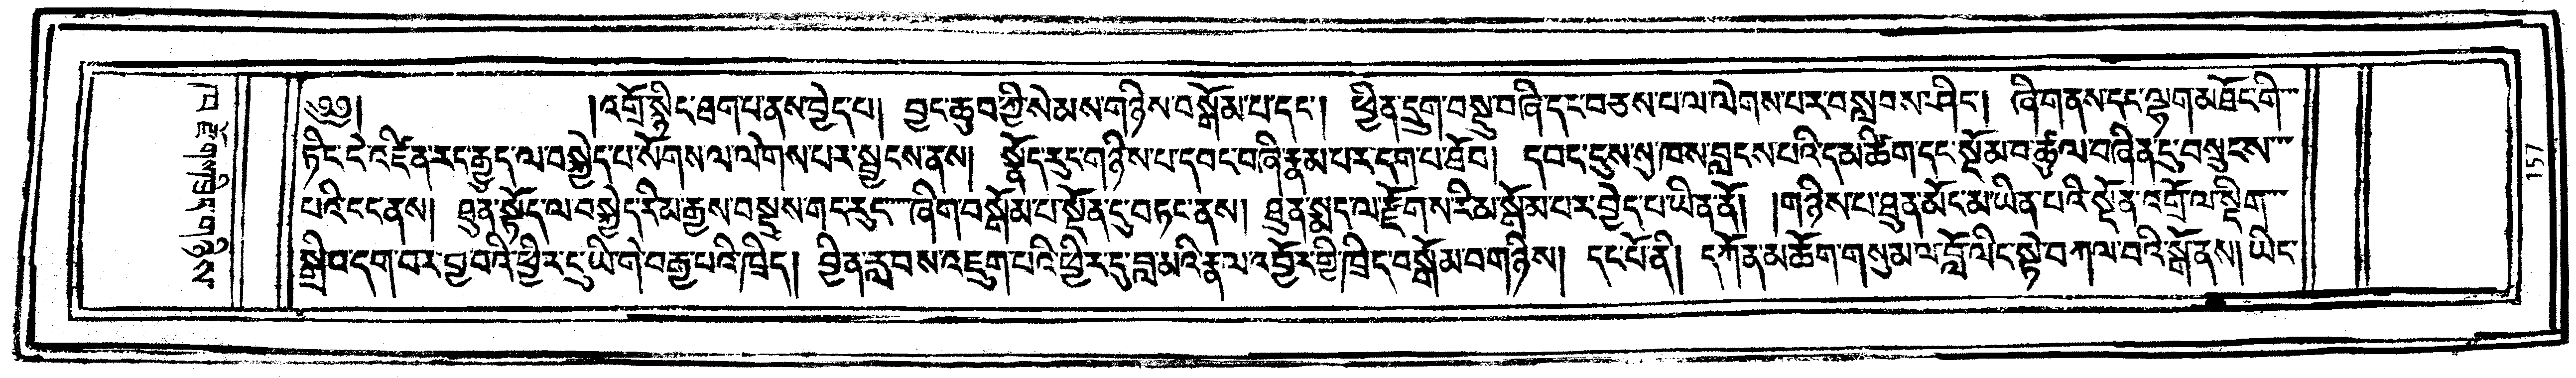༄༅། །འགྲོ་སྙིང་ཐག་པ་ནས་བྱེད་པ། བྱང་ཆུབ་ཀྱི་སེམས་གཉིས་བསྒོམ་པ་དང་། ཕྱིན་དྲུག་བསྡུ་བཞི་དང་བཅས་པ་ལ་ལེགས་པར་བསླབས་ཤིང་། ཞི་གནས་དང་ལྷག་མཐོང་གི་
ཏིང་ངེ་འཛིན་རང་རྒྱུད་ལ་བསྐྱེད་པ་སོགས་ལ་ལེགས་པར་སྦྱངས་ནས། སྣོད་རུང་གཉིས་པ་དབང་བཞི་རྣམ་པར་དག་པ་ཐོབ། དབང་དུས་སུ་ཁས་བླངས་པའི་དམ་ཚིག་དང་སྡོམ་བ་ཚུལ་བཞིན་དུ་བསྲུངས་
པའི་ངང་ནས། ཐུན་སྟོད་ལ་བསྐྱེད་རིམ་རྒྱས་བསྡུས་གང་རུང་ཞིག་བསྒོམ་པ་སྔོན་དུ་བཏང་ནས། ཐུན་སྨད་ལ་རྫོགས་རིམ་སྒོམ་པར་བྱེད་པ་ཡིན་ནོ། །གཉིས་པ་ཐུན་མོང་མ་ཡིན་པའི་སྔོན་འགྲོ་ལ་སྡིག་
སྒྲིབ་དག་པར་བྱ་བའི་ཕྱིར་དུ་ཡི་གེ་བརྒྱ་པའི་ཁྲིད། བྱིན་རླབས་འཇུག་པའི་ཕྱིར་དུ་བླ་མའི་རྣལ་འབྱོར་གྱི་ཁྲིད་བསྒོམ་བ་གཉིས། དང་པོ་ནི། དཀོན་མཆོག་གསུམ་ལ་བློ་ལིང་སྟེ་བཀལ་བའི་སྒོ་ནས། ཡིད་